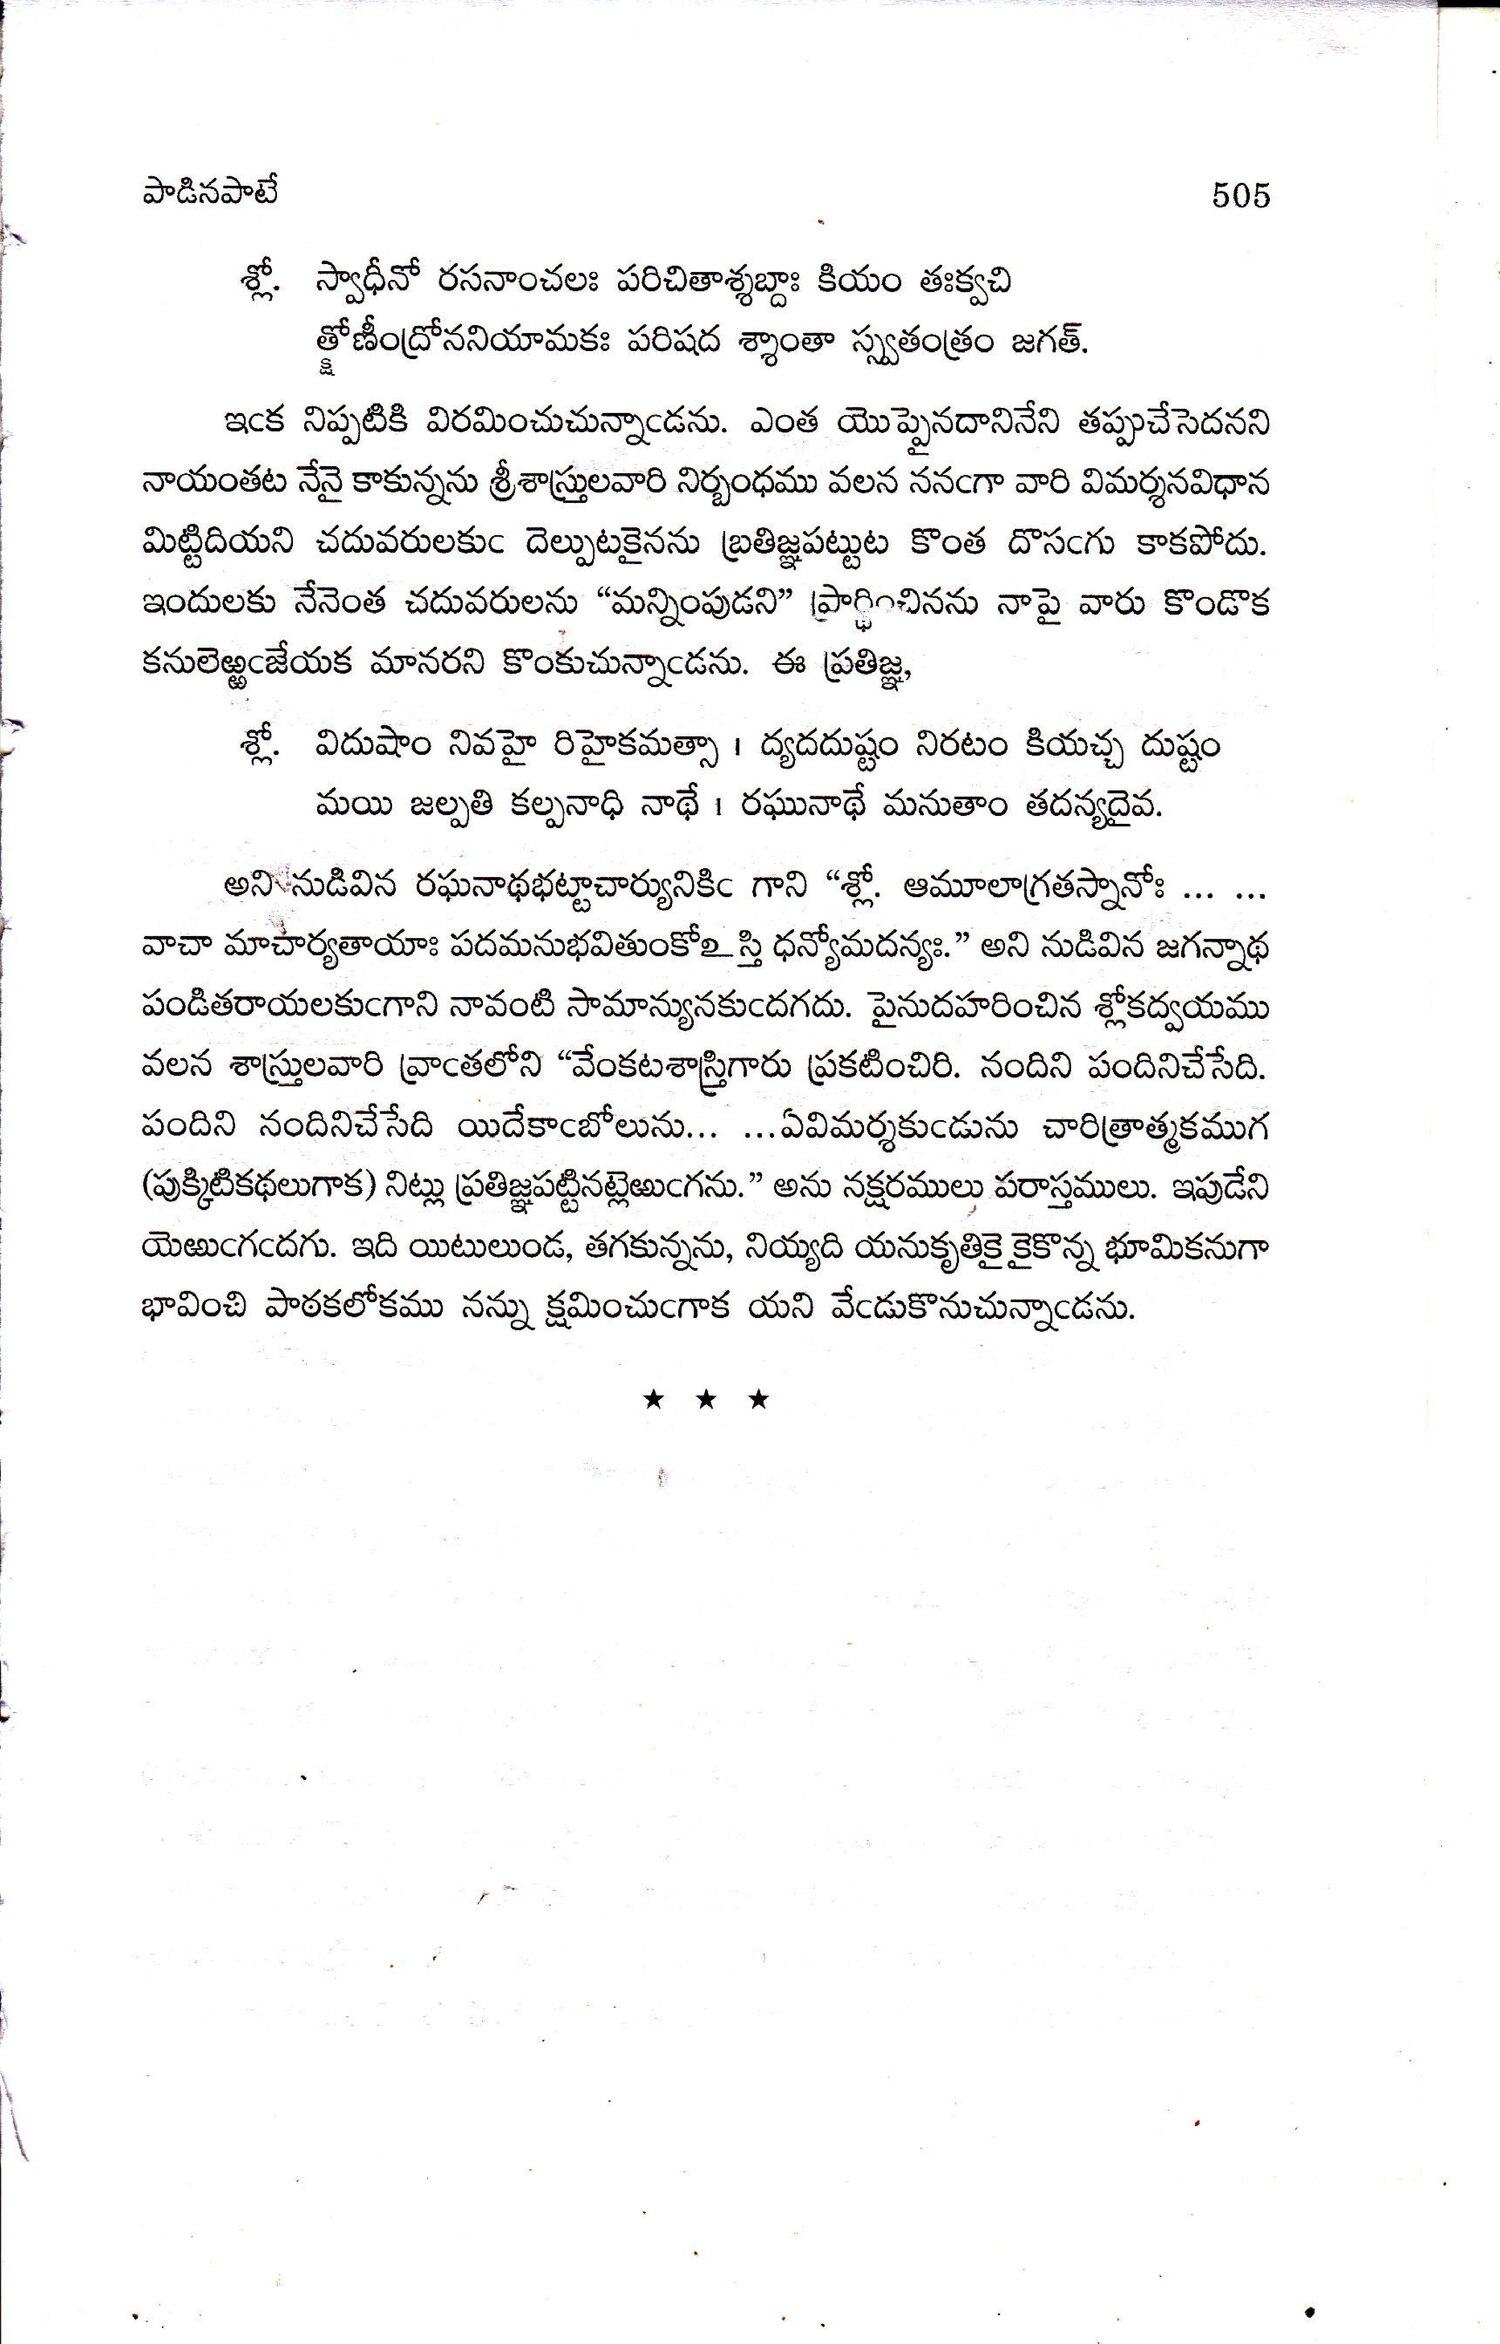శ్లో. స్వాధీనో రసనాంచలః పరిచితాశ్శబ్దాః కియం తఃక్వచి
 త్క్షోణీంద్రోననియామకః పరిషద శ్శాంతా స్స్వతంత్రం జగత్.
ఇఁక నిప్పటికి విరమించుచున్నాఁడను. ఎంత యొప్పైనదానినేని తప్పుచేసెదనని నాయంతట నేనై కాకున్నను శ్రీశాస్త్రులవారి నిర్బంధము వలన ననఁగా వారి విమర్శనవిధాన మిట్టిదియని చదువరులకుఁ దెల్పుటకైనను బ్రతిజ్ఞపట్టుట కొంత దొసఁగు కాకపోదు. ఇందులకు నేనెంత చదువరులను "మన్నింపుఁడని” ప్రార్ధించినను నాపై వారు కొండొక కనులెఱ్ఱఁజేయక మానరని కొంకుచున్నాఁడను. ఈ ప్రతిజ్ఞ

శ్లో. విదుషాం నివహై రిహైకమత్సా ! ద్యదదుష్టం నిరటం కియచ్చ దుష్టం 
 మయి జల్పతి కల్పనాధి నాథే ! రఘునాథే మనుతాం తదన్యదైవ.
అనినుడివిన రఘనాథభట్టాచార్యునికిఁ గాని “శ్లో ఆమూలాగ్రతస్నానోః ... ... వాచా మాచార్యతాయాః పదమనుభవితుంకో౽స్తి ధన్యోమదన్యః." అని నుడివిన జగన్నాథ పండితరాయలకుఁగాని నావంటి సామాన్యునకుఁదగదు. పైనుదహరించిన శ్లోకద్వయము వలన శాస్త్రులవారి వ్రాఁతలోని "వేంకటశాస్త్రిగారు ప్రకటించిరి. నందిని పందినిచేసేది. పందిని నందినిచేసేది యిదేకాఁబోలును... ..ఏవిమర్శకుఁడును చారిత్రాత్మకముగ (పుక్కిటికథలుగాక) నిట్లు ప్రతిజ్ఞపట్టినట్లెఱుఁగను.” అను నక్షరములు పరాస్తములు. ఇపుడేని యెఱుఁగఁదగు. ఇది యిటులుండ, తగకున్నను, నియ్యది యనుకృతికై కైకొన్న భూమికనుగా భావించి పాఠకలోకము నన్ను క్షమించుఁగాక యని వేఁడుకొనుచున్నాఁడను.